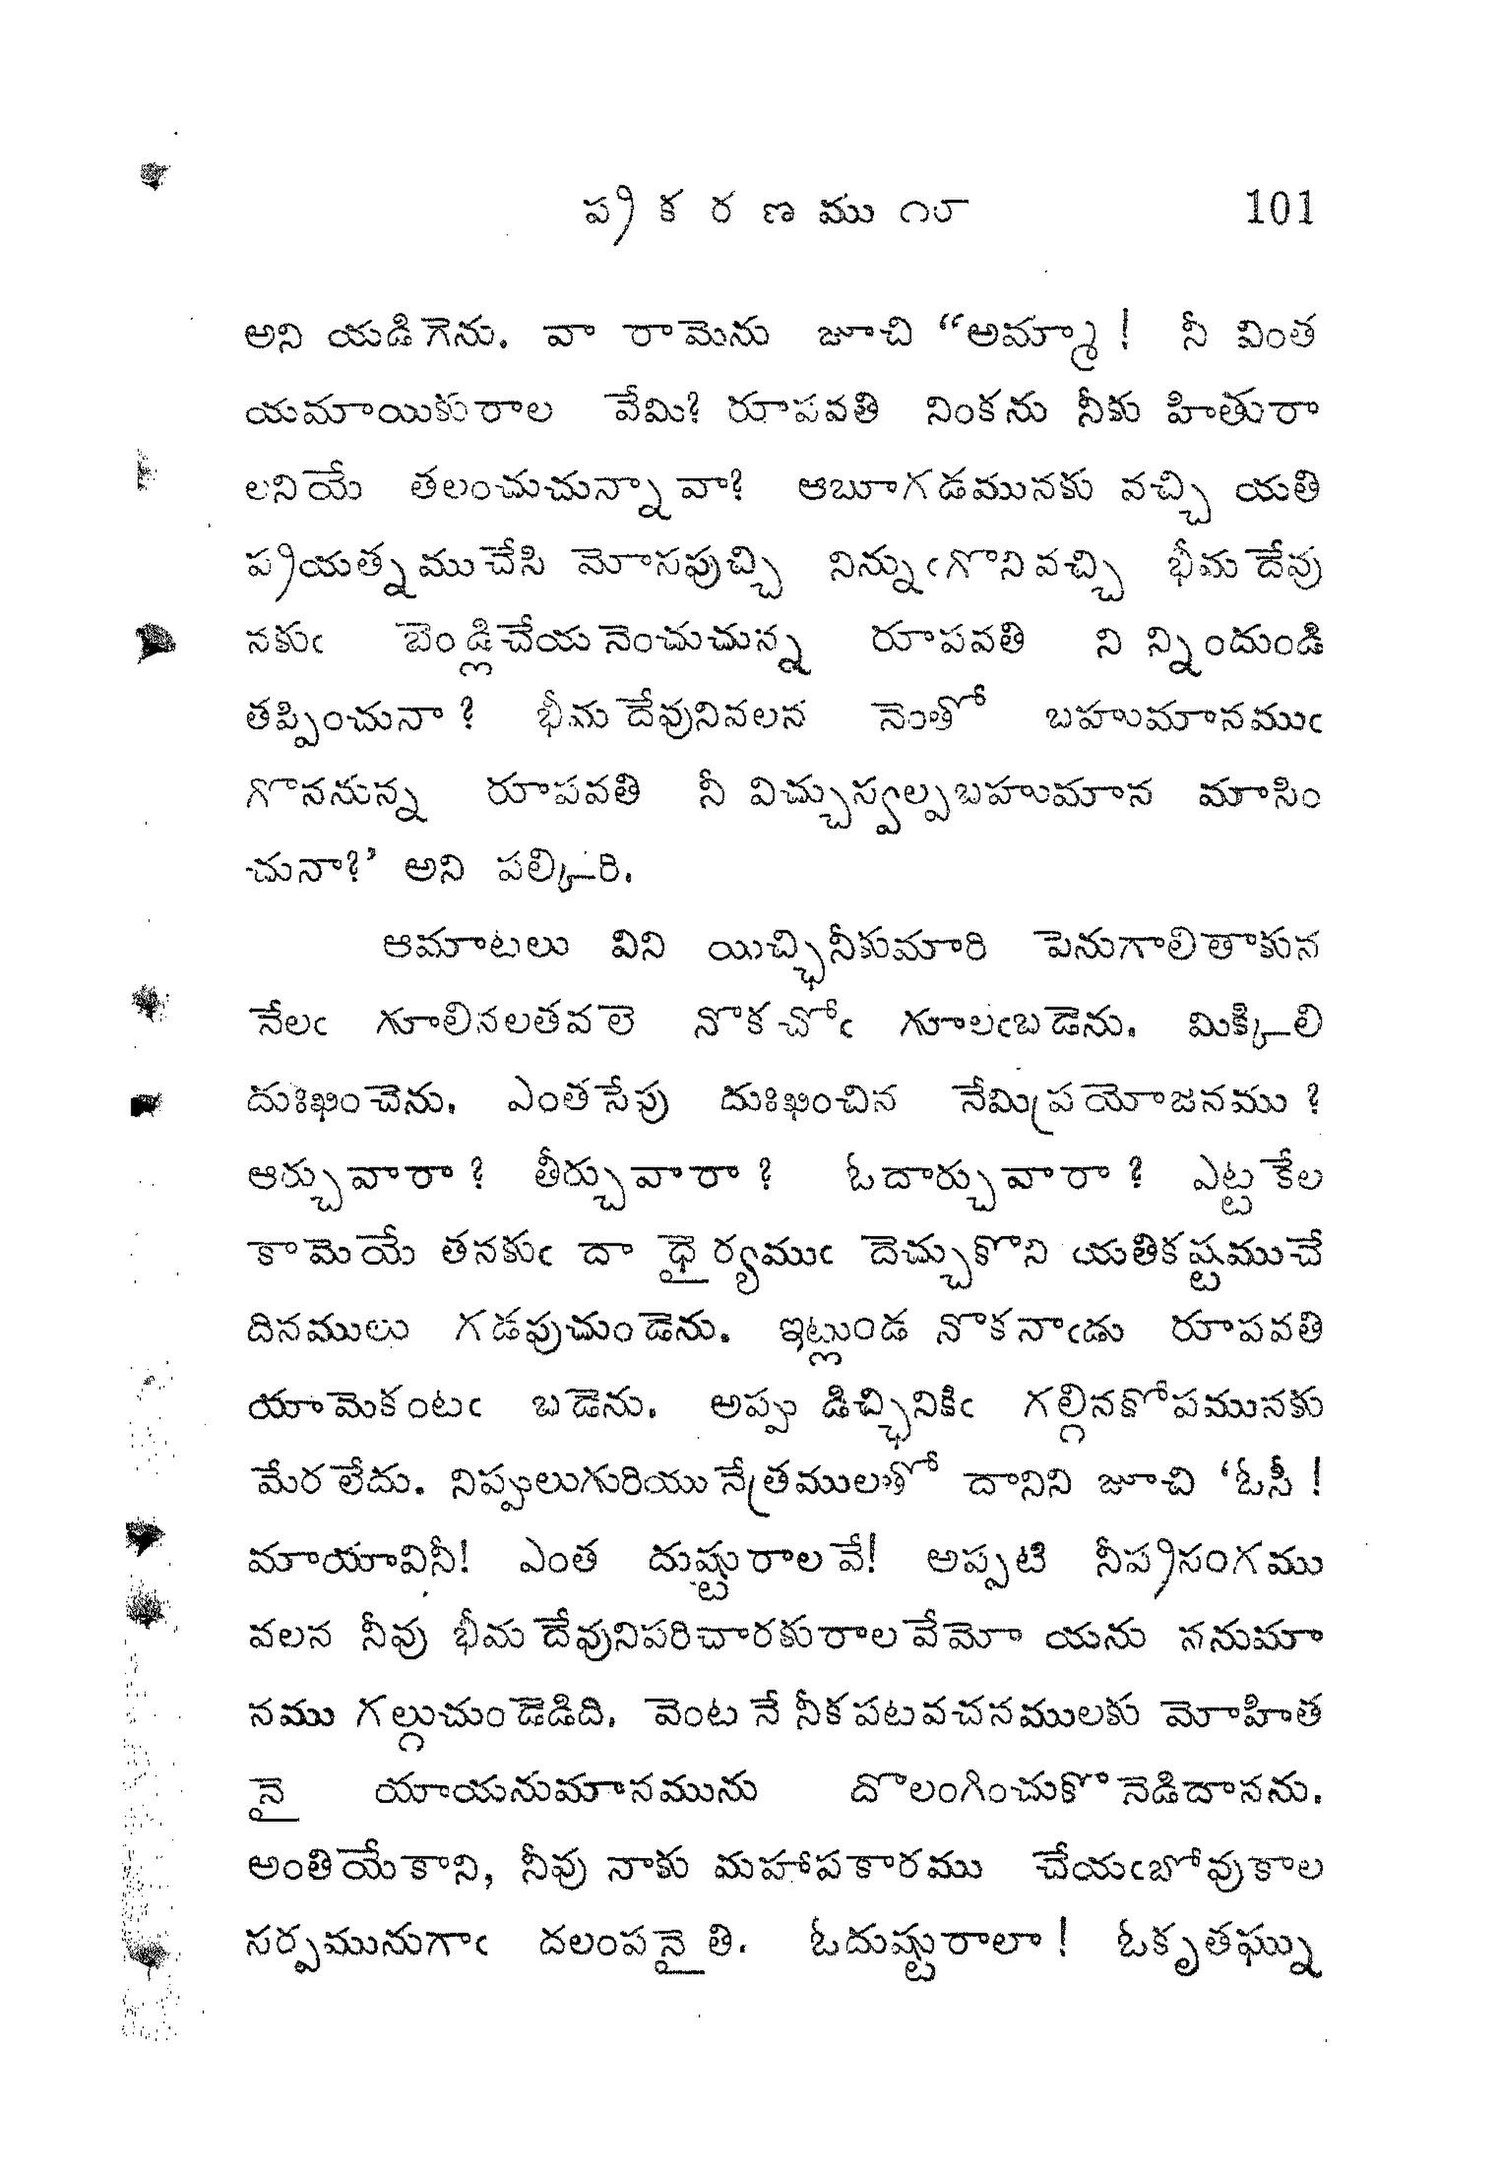అని యడిగెను. వా రామెను జూచి "అమ్మా! నీ వింత యమాయికురాల వేమి? రూపవతి నింకను నీకు హితురా ల నియే తలంచుచున్నావా? అబూగడమునకు వచ్చి యతి ప్రయత్నము చేసి మోసపుచ్చి నిన్నుఁగొని వచ్చి భీమ దేవు నకుఁ 'బెండ్లిచేయ నెంచుచున్న రూపవతి నిన్నిందుండి తప్పించునా ? భీమ దేవుని వలన నెంతో బహుమానముఁ గొననున్న రూపవతి నీ విచ్చుస్వల్ప బహుమాన మాసిం చునా?' అని పల్కిరి.

ఆమాటలు విని యిచ్ఛినీకుమారీ పెనుగాలి తాకున నేలఁ గూలిన లత వలె నొక చోఁ గూలఁబడెను. మిక్కిలి దుఃఖించెను. ఎంత సేపు దుఃఖంచిన నేమి ప్రయోజనము ? ఆర్చువారా ! తీర్చువారా ? ఓదార్చువారా ? ఎట్టకేల కామెయే తనకుఁ దా ధైర్యముఁ దెచ్చుకొని యతికష్టముచే దినములు గడపుచుండెను. ఇట్లుండ నొక నాఁడు రూపవతి యామెకంటఁ బడెను. అప్పు డిచ్ఛినికిఁ గల్గినకోపమునకు మేర లేదు. నిప్పులు గురియు నేత్రములతో దానిని జూచి 'ఓసీ ! మాయావి నీ! ఎంత దుష్టురాల వే! అప్పటి నీప్రసంగము వలన నీవు భీమ దేవుని పరిచారకురాల వేమో యను ననుమా నము గల్గుచుండెడిది. వెంట నే నీ కపటవచనములకు మోహిత యాయను మానమును దొలంగించుకొనెడి దానను, అంతియే కాని, నీవు నాకు మహాపకారము చేయఁబోవు కాల సర్పమునుగాఁ దలంప నై తి. ఓదుష్టు రాలా ! ఓకృతఘ్ను